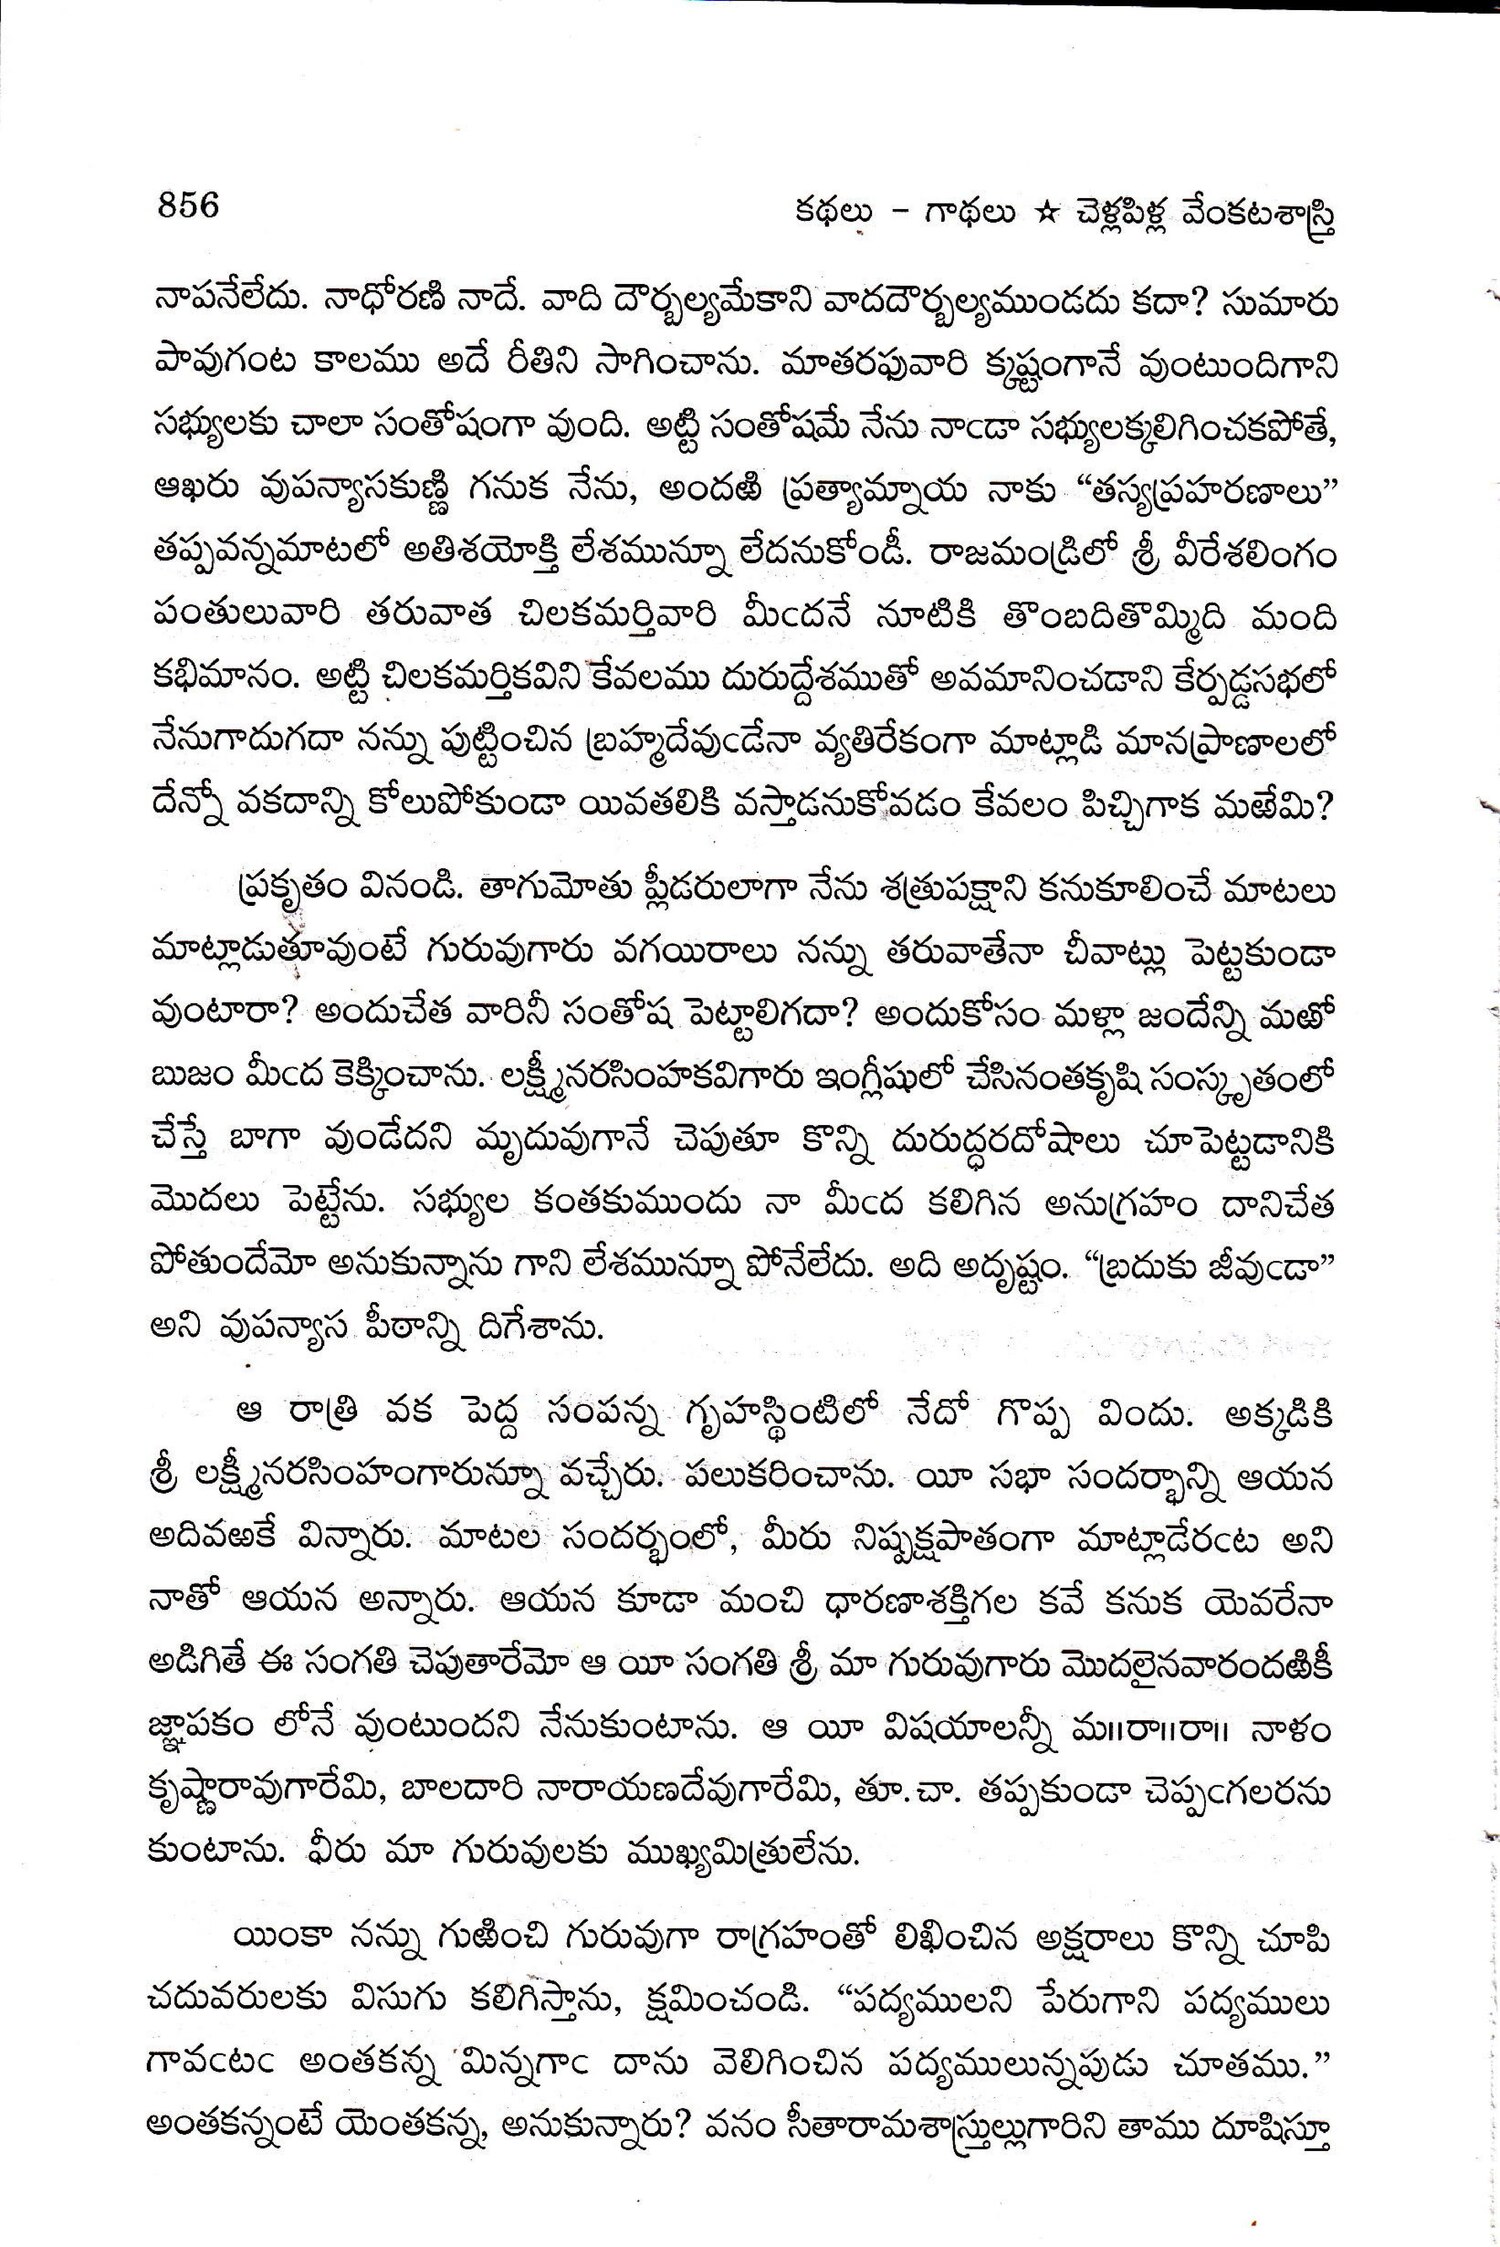నాపనేలేదు. నాధోరణి నాదే. వాది దౌర్బల్యమేకాని వాదదౌర్బల్యముండదు కదా? సుమారు పావుగంట కాలము అదే రీతిని సాగించాను. మాతరఫువారి క్కష్టంగానే వుంటుందిగాని సభ్యులకు చాలా సంతోషంగా వుంది. అట్టి సంతోషమే నేను నాఁడా సభ్యులక్కలిగించకపోతే, ఆఖరు వుపన్యాసకుణ్ణి గనుక నేను, అందఱి ప్రత్యామ్నాయ నాకు “తస్యప్రహరణాలు” తప్పవన్నమాటలో అతిశయోక్తి లేశమున్నూ లేదనుకోండీ. రాజమండ్రిలో శ్రీ వీరేశలింగం పంతులువారి తరువాత చిలకమర్తివారి మీఁదనే నూటికి తొంబదితొమ్మిది మంది కభిమానం. అట్టి చిలకమర్తికవిని కేవలము దురుద్దేశముతో అవమానించడాని కేర్పడ్డసభలో నేనుగాదుగదా నన్ను పుట్టించిన బ్రహ్మదేవుఁడేనా వ్యతిరేకంగా మాట్లాడి మానప్రాణాలలో దేన్నో వకదాన్ని కోలుపోకుండా యివతలికి వస్తాడనుకోవడం కేవలం పిచ్చిగాక మఱేమి?

ప్రకృతం వినండి. తాగుమోతు ప్లీడరులాగా నేను శత్రుపక్షాని కనుకూలించే మాటలు మాట్లాడుతూవుంటే గురువుగారు వగయిరాలు నన్ను తరువాతేనా చీవాట్లు పెట్టకుండా వుంటారా? అందుచేత వారినీ సంతోష పెట్టాలిగదా? అందుకోసం మళ్లా జందేన్నీ మఱో బుజం మీఁద కెక్కించాను. లక్ష్మీనరసింహకవిగారు ఇంగ్లీషులో చేసినంతకృషి సంస్కృతంలో చేస్తే బాగా వుండేదని మృదువుగానే చెపుతూ కొన్ని దురుద్ధరదోషాలు చూపెట్టడానికి మొదలు పెట్టేను. సభ్యుల కంతకుముందు నా మీఁద కలిగిన అనుగ్రహం దానిచేత పోతుందేమో అనుకున్నాను గాని లేశమున్నూ పోనేలేదు. అది అదృష్టం. "బ్రదుకు జీవుఁడా" అని వుపన్యాస పీఠాన్ని దిగేశాను.

ఆ రాత్రి వక పెద్ద సంపన్న గృహస్థింటిలో నేదో గొప్ప విందు. అక్కడికి శ్రీ లక్ష్మీనరసింహంగారున్నూ వచ్చేరు. పలుకరించాను. యీ సభా సందర్భాన్ని ఆయన అదివఱకే విన్నారు. మాటల సందర్భంలో, మీరు నిష్పక్షపాతంగా మాట్లాడేరఁట అని నాతో ఆయన అన్నారు. ఆయన కూడా మంచి ధారణాశక్తిగల కవే కనుక యెవరేనా అడిగితే ఈ సంగతి చెపుతారేమో ఆ యీ సంగతి శ్రీ మా గురువుగారు మొదలైనవారందఱికీ జ్ఞాపకం లోనే వుంటుందని నేనుకుంటాను. ఆ యీ విషయాలన్నీ మ||రా||రా|| నాళం కృష్ణారావుగారేమి, బాలదారి నారాయణదేవుగారేమి, తూ.చా. తప్పకుండా చెప్పఁగలరను కుంటాను. వీరు మా గురువులకు ముఖ్యమిత్రులేను.

యింకా నన్ను గుఱించి గురువుగా రాగ్రహంతో లిఖించిన అక్షరాలు కొన్ని చూపి చదువరులకు విసుగు కలిగిస్తాను, క్షమించండి. "పద్యములని పేరుగాని పద్యములు గావఁటఁ అంతకన్న మిన్నగా దాను వెలిగించిన పద్యములున్నపుడు చూతము.” అంతకన్నంటే యెంతకన్న అనుకున్నారు? వనం సీతారామశాస్త్రుల్లుగారిని తాము దూషిస్తూ